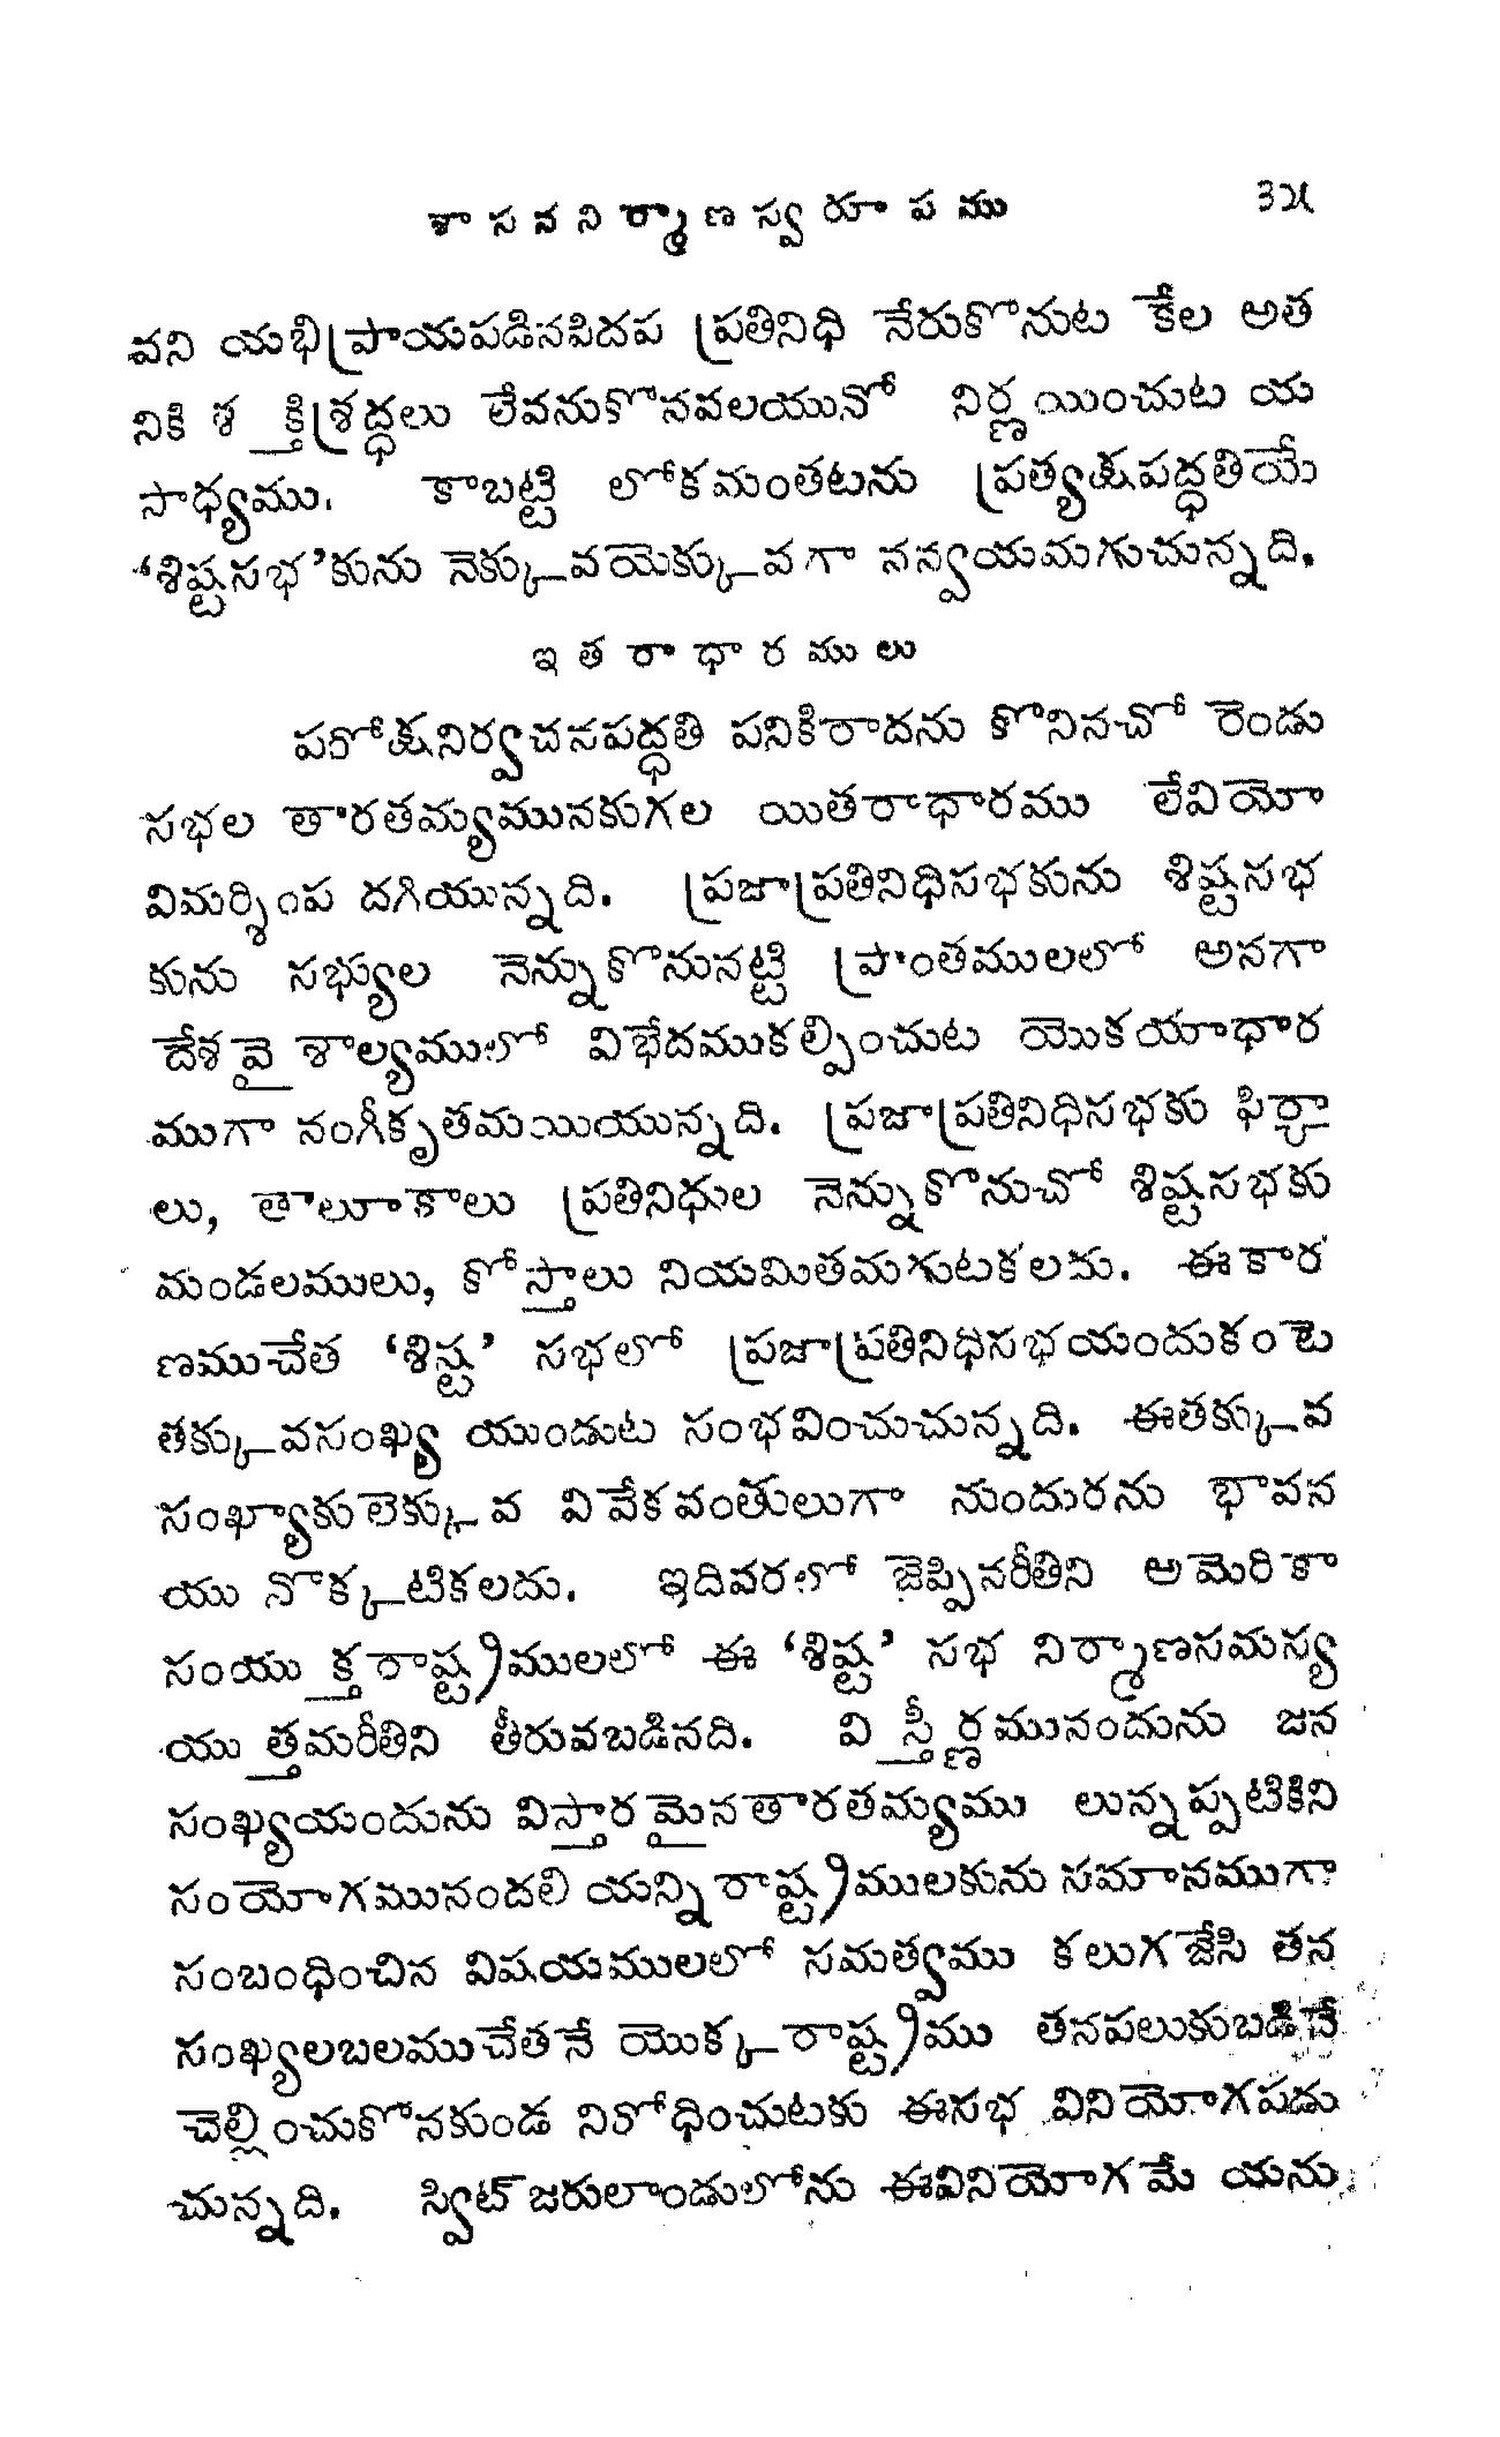వని యభిప్రాయపడిన పిదప ప్రతినిధి నేరుకొనుట కేల అతనికి శక్తిశ్రద్ధలు లేవనుకొనవలయునో నిర్ణయించుట యసాధ్యము. కాబట్టి లోకమంతటను ప్రత్యక్షపద్ధతియే “శిష్టసభ'కును నెక్కువ యెక్కువగా నన్వయమగుచున్నది,

పరోక్షనిర్వచనపద్ధతి పనికిరాదను కొనినచో రెండుసభల తారతమ్యమునకుగల యితరాధారము లేవియో విమర్శింప దగియున్నది. ప్రజాప్రతినిధిసభకును శిష్టసభకును సభ్యుల నెన్నుకొనునట్టి ప్రాంతములలో అనగా దేశవైశాల్యములో విభేదముకల్పించుట యొకయాధారముగా నంగీకృతమయి యున్నది. ప్రజాప్రతినిధిసభకు ఫిర్కాలు, తాలూకాలు ప్రతినిధుల నెన్నుకొనుచో శిష్టసభకు
మండలములు, కోస్తాలు నియమితమగుటకలదు. ఈకారణముచేత 'శిష్ట' సభలో ప్రజాప్రతినిధిసభ యందుకంటె తక్కువసంఖ్య యుండుట సంభవించుచున్నది. ఈతక్కువ సంఖ్యాకులెక్కువ వివేకవంతులుగా నుందురను భావనయు నొక్కటికలదు. ఇదివరలో జెప్పినరీతిని అమెరికాసంయుక్త రాష్ట్రములలో ఈ “శిష్ట' సభ నిర్మాణసమస్య యుత్తమరీతిని తీరువబడినది. విస్తీర్ణమునందును జనసంఖ్యయందును విస్తారమైనతారతమ్యము లున్నప్పటికిని సంయోగమునందలి యన్ని రాష్ట్రములకును సమానముగా సంబంధించిన విషయములలో సమత్వము కలుగజేసి తన
సంఖ్యలబలముచేతనే యొక్క రాష్ట్రము తనపలుకుబడినే చెల్లించుకొనకుండ నిరోధించుటకు ఈసభ వినియోగపడుచున్నది. స్విట్‌జరులాండులోను ఈవినియోగమే యను